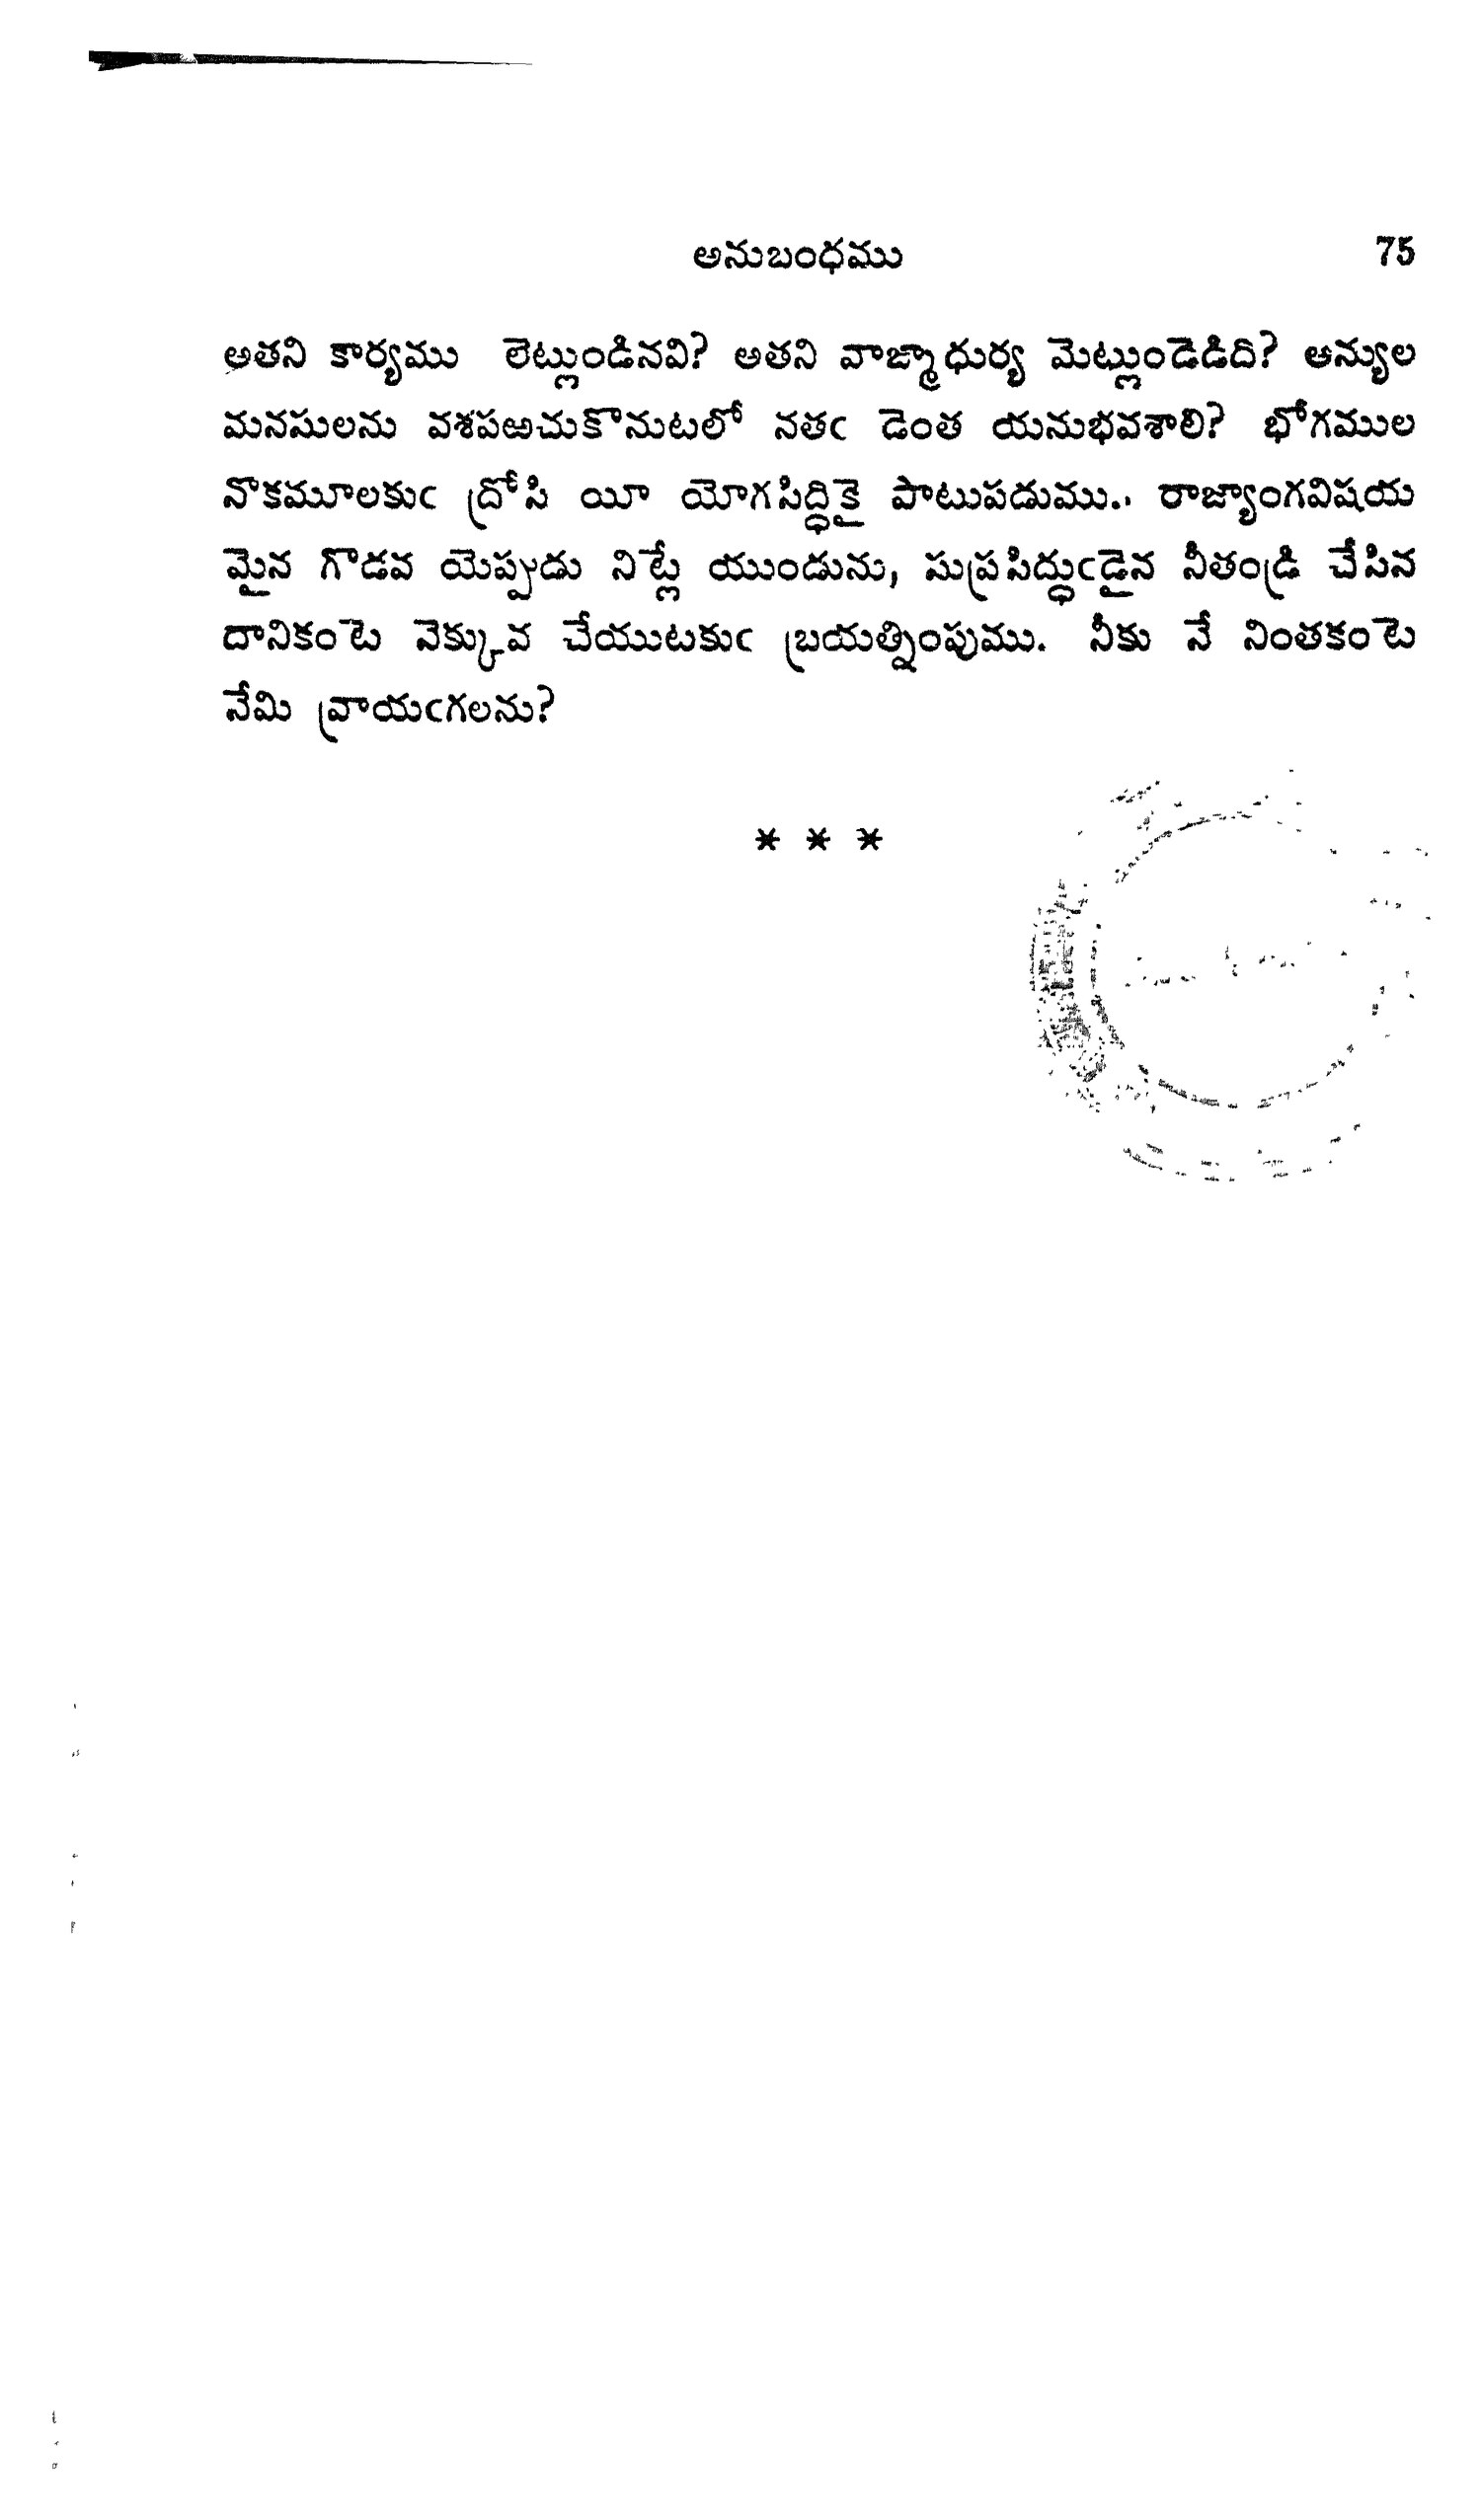అతని కార్యము లెట్లుండినవి? అతని వాజ్మాధుర్య మెట్లుండెడిది? అన్యుల మనసులను వశపఱచుకొనుటలో నత డెంత యనుభవశాలి? భోగముల నొకమూలకు ద్రోసి యీ యోగసిద్ధికై పాటుపడుము. రాజ్యాంగవిషయమైన గొడవ యెప్పుడు నిట్లే యుండును, సుప్రసిద్ధుడైన నీతండ్రి చేసిన దానికంటె నెక్కువ చేయుటకు బ్రయత్నింపుము. నీకు నే నింతకంటె నేమి వ్రాయగలను?

_______